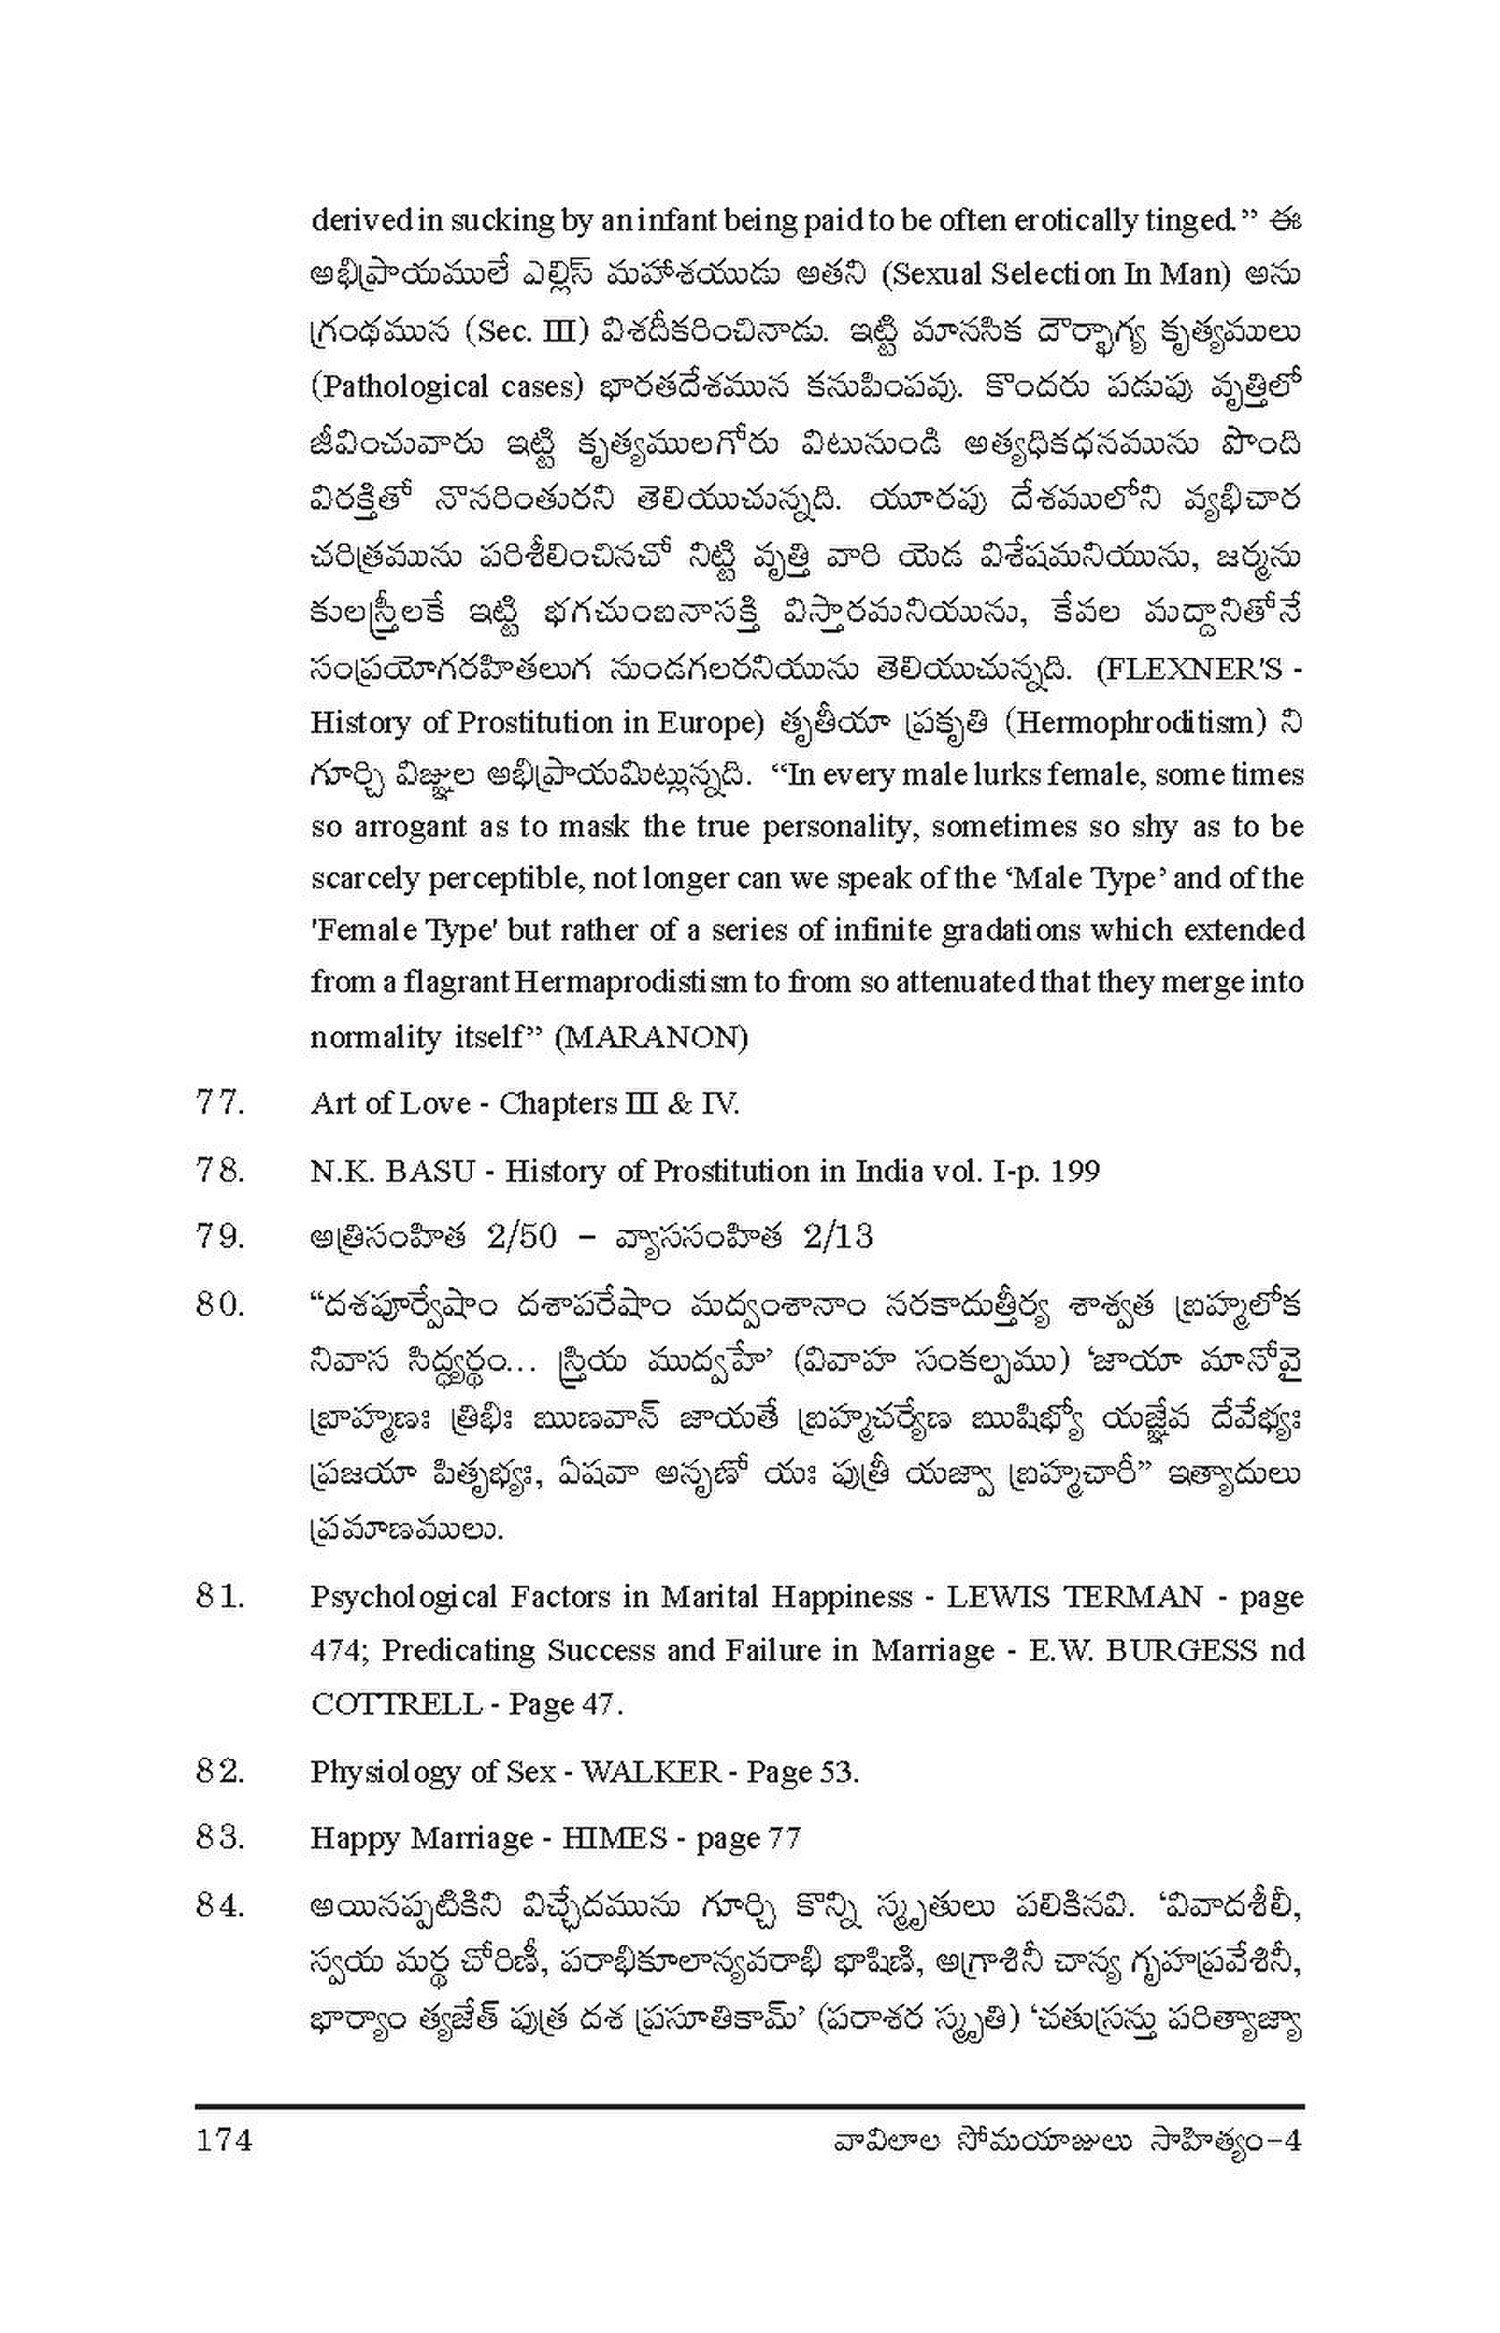derived in sucking by an infant being paid to be often erotically tinged." ఈ
అభిప్రాయములే ఎల్లిస్ మహాశయుడు అతని (Sexual Selection In Man) అను
గ్రంథమున (Sec. III) విశదీకరించినాడు. ఇట్టి మానసిక దౌర్భాగ్య కృత్యములు
(Pathological cases) భారతదేశమున కనుపింపవు. కొందరు పడుపు వృత్తిలో
జీవించువారు ఇట్టి కృత్యములగోరు విటునుండి అత్యధికధనమును పొంది
విరక్తితో నొనరింతురని తెలియుచున్నది. యూరపు దేశములోని వ్యభిచార
చరిత్రమును పరిశీలించినచో నిట్టి వృత్తి వారి యెడ విశేషమనియును, జర్మను
కులస్త్రీలకే ఇట్టి భగచుంబనాసక్తి విస్తారమనియును, కేవల మద్దానితోనే
సంప్రయోగరహితలుగ నుండగలరనియును తెలియుచున్నది. (FLEXNER'S -
History of Prostitution in Europe) తృతీయా ప్రకృతి (Hermophroditism) ని
గూర్చి విజ్ఞుల అభిప్రాయమిట్లున్నది. "In every male lurks female, some times
arrogant as to mask the true personality, sometimes so shy as to be
scarcely perceptible, not longer can we speak of the 'Male Type' and of the
'Female Type' but rather of a series of infinite gradations which extended
from a flagrant Hermaprodistism to from so attenuated that they merge into
normality itself" (MARANON)

77. Art of Love - Chapters III & IV.

78. N.K. BASU - History of Prostitution in India vol. I-p. 199

79. అత్రిసంహిత 2/50 - వ్యాససంహిత 2/13

80. “దశపూర్వేషాం దశాపరేషాం మద్వంశానాం నరకాదుత్తీర్య శాశ్వత బ్రహ్మలోక
నివాస సిద్ధ్యర్థం... స్త్రీయ ముద్వహే' (వివాహ సంకల్పము) 'జాయా మానోవై
బ్రాహ్మణః త్రిభిః ఋణవాన్ జాయతే బ్రహ్మచర్యేణ ఋషిభ్యో యజ్ఞేవ దేవేభ్యః
ప్రజయా పితృభ్యః, ఏషవా అనృణో యః పుత్రీ యజ్వా బ్రహ్మచారీ” ఇత్యాదులు
ప్రమాణములు.

81. Psychological Factors in Marital Happiness - LEWIS TERMAN - page
474; Predicating Success and Failure in Marriage E.W. BURGESS nd
COTTRELL - Page 47.

82. Physiology of Sex - WALKER - Page 53.

83. Happy Marriage - HIMES - page 77

84. అయినప్పటికిని విచ్ఛేదమును గూర్చి కొన్ని స్మృతులు పలికినవి. 'వివాదశీలీ,
స్వయ మర్థ చోరిణీ, పరాభికూలాన్యవరాభి భాషిణి, అగ్రాశినీ చాన్య గృహప్రవేశినీ,
భార్యాం త్యజేత్ పుత్ర దశ ప్రసూతికామ్' (పరాశర స్మృతి) 'చతుస్రస్తు పరిత్యాజ్యా

వావిలాల సోమయాజులు సాహిత్యం-4